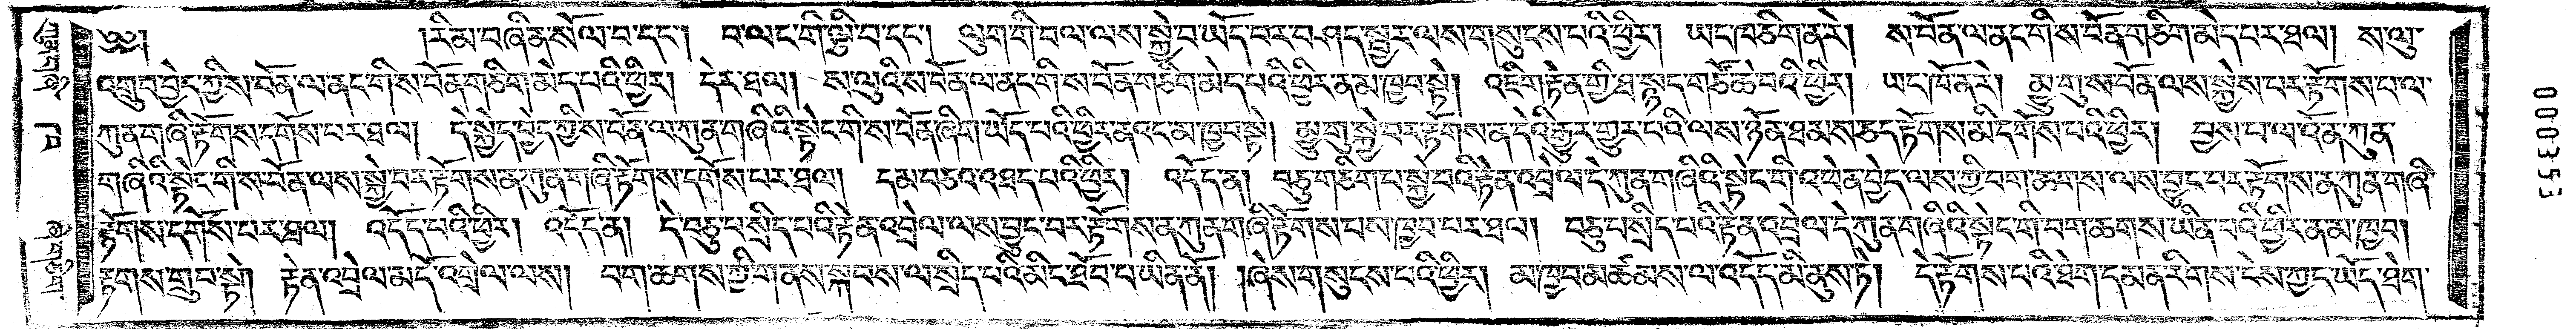༄༅། །རིམ་བཞིན་སོལ་བ་དང་། བ་ལང་གི་ལྕི་བ་དང་། ལུག་གི་བལ་ལས་སྐྱེ་བ་ཡད་པར་བཤད་སྦྱར་ལས་གསུངས་པའི་ཕྱིར། ཡང་ཁ་ཅིག་ན་རེ། ས་བོན་ལ་ནང་གི་ས་བོན་གཅིག་མེད་པར་ཐལ། ས་ལུ་
འགྲུབ་བྱེད་ཀྱི་ས་བོན་ལ་ནང་གི་ས་བོན་གཅིག་མེད་པའི་ཕྱིར། དེར་ཐལ། ས་ལུའི་ས་བོན་ལ་ནང་གི་ས་བོན་གཅིག་མེད་པའི་ཕྱིར་ན་མ་ཁྱབ་སྟེ། འཇིག་རྟེན་གྱི་ཐ་སྙད་གཙོ་ཆེ་བའི་ཕྱིར། ཡང་ཁོ་ན་རེ། མྱུ་གུ་ས་བོན་ལས་སྐྱེས་པར་རྟོགས་པ་ལ་
ཀུན་གཞི་རྟོགས་དགོས་པར་ཐལ། དེ་སྐྱེད་བྱེད་ཀྱི་ས་བོན་ལ་ཀུན་གཞིའི་སྟེང་གི་ས་བོན་ཞིག་ཡོད་པའི་ཕྱིར་ནའང་མ་ཁྱབ་སྟེ། མྱུ་གུ་སྐྱེ་བར་རྟོགས་ན་དེའི་རྒྱུར་གྱུར་པའི་ལས་ཉོན་ཐམས་ཅད་རྟོགས་མི་དགོས་པའི་ཕྱིར། བྱས་པ་ལ་འོ་ན་ཀུན་
གཞིའི་སྟེང་གི་ས་བོན་ལས་སྐྱེ་བར་རྟོགས་ན་ཀུན་གཞི་རྟོགས་དགོས་པར་ཐལ། དམ་བཅའ་འཐད་པའི་ཕྱིར། འདོད་ན། བཅུ་གཅིག་པ་སྐྱེ་བའི་རྟེན་འབྲེལ་དེ་ཀུན་གཞིའི་སྟེང་གི་འབེན་བྱེད་ལས་ཀྱི་བག་ཆགས་ལས་བྱུང་བར་རྟོགས་ན་ཀུན་གཞི་
རྟོགས་དགོས་པར་ཐལ། འདོད་པའི་ཕྱིར། འདོད་ན། དེ་བཅུ་པ་སྲིད་པའི་རྟེན་འབྲེལ་ལས་བྱུང་བར་རྟོགས་ན་ཀུན་གཞི་རྟོགས་པས་ཁྱབ་པར་ཐལ། བཅུ་པ་སྲིད་པའི་རྟེན་འབྲེལ་དེ་ཀུན་གཞིའི་སྟེང་གི་བག་ཆགས་ཡིན་པའི་ཕྱིར་ན་མ་ཁྱབ།
རྟགས་གྲུབ་སྟེ། རྟེན་འབྲེལ་མདོ་འགྲེལ་ལས། བག་ཆགས་ཀྱི་གནས་སྐབས་ལ་སྲིད་པའི་མིང་ཐོབ་པ་ཡིན་ནོ། །ཞེས་གསུངས་པའི་ཕྱིར། མ་ཁྱབ་མཚམས་ལ་འདོད་མི་ནུས་ཏེ། དེ་རྟོགས་པའི་ཐེག་དམན་རིགས་ངེས་ཀྱང་ཡོད་ཐེག་